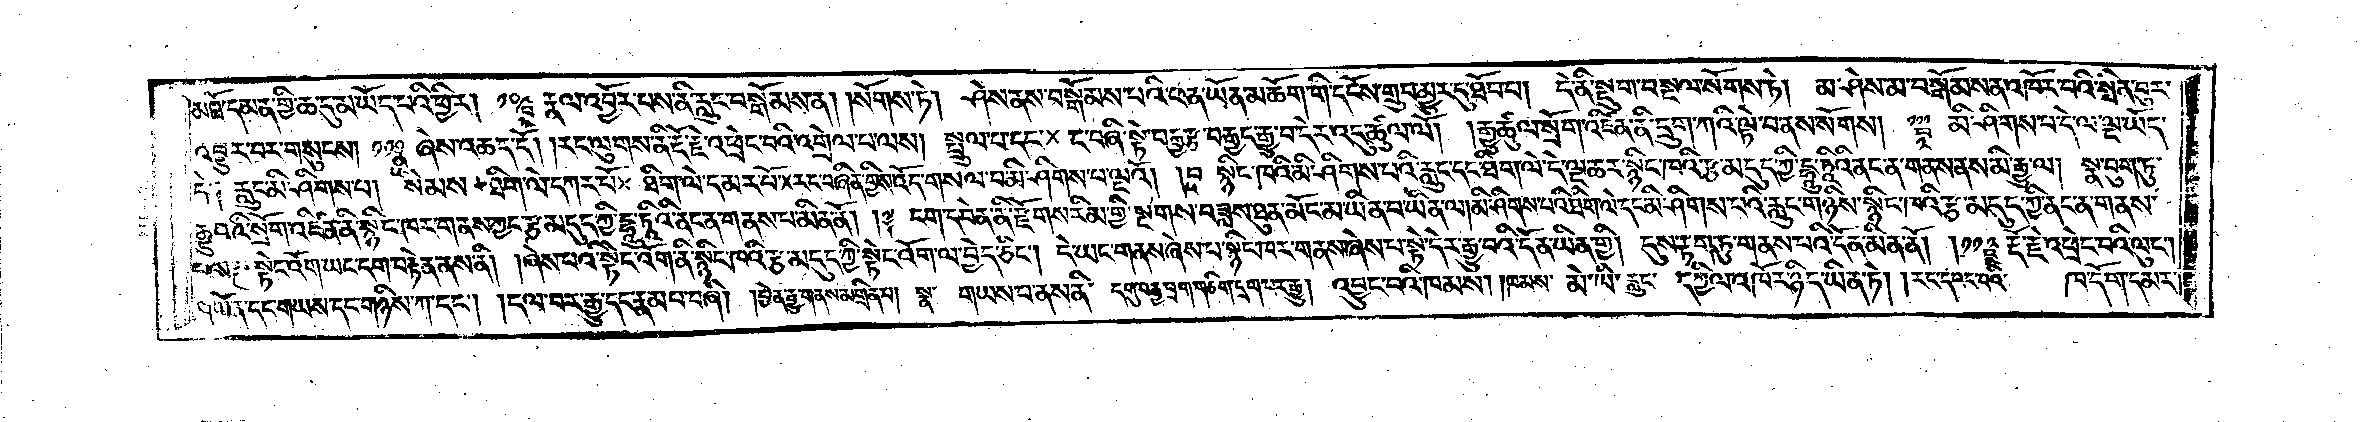མཐོ་དམན་གྱི་ཆ་དུ་མ་ཡོད་པའི་ཕྱིར། ༡༠༩་རྣལ་འབྱོར་པས་ནི་རླུང་བསྒོམས་ན། །སོགས་ཏེ། ཤེས་ནས་བསྒོམས་པའི་ཕན་ཡོན་མཆོག་གི་དངོས་གྲུབ་མྱུར་དུ་ཐོབ་པ། དེ་ནི་སྡུག་བསྔལ་སོགས་ཏེ། མ་ཤེས་མ་བསྒོམས་ན་འཁོར་བའི་སྤྲིན་བུར་
འབྱུར་བར་གསུངས། ༡༡༠་ཞེས་འཆད་དོ། །རང་ལུགས་ནི་རྡོ་རྗེ་འཕྲེང་བའི་འགྲེལ་པ་ལས། སྤྲུལ་པ་དང་྾་ང་བཞི་སྟེ་བརྒྱ་རྩ་བརྒྱད་རྒྱུ་བ་དེར་འདུ་ཚུལ་ལོ། །རྒྱུ་ཚུལ་སྲོག་འཛིན་ནི་དྲུག་ཀའི་ལྟེ་བ་ནས་སོགས། ༡༡༡་མི་ཤིགས་པ་དེ་ལ་ལྔ་ཡོད་
དེ༑ རླུང་མི་ཤིགས་པ། སེམས་ཐིག་ལེ་དཀར་པོ་྾་ཐིག་ལེ་དམར་པོ྾་རང་བཞིན་གྱིས་འོད་གསལ་བ་མི་ཤིགས་པ་ལྔའོ། །བ་སྙིང་ཁའི་མི་ཤིགས་པའི་རླུང་དང་ཐིག་ལེ་དེ་ལྔ་ཆར་སྙིང་ཁའི་རྩམ་དུད་ཀྱི་དྷཱུ་ཏཱིའི་ནང་ན་གནས་ནས་མི་རྒྱུ་ལ། སྣ་བུག་ཏུ་
རྒྱུ་བའི་སྲོག་འཛིན་ནི་སྙིང་ཁར་གནས་ཀྱང་རྩ་མདུད་ཀྱི་དྷཱུ་ཏཱིཨཱི་ནང་ན་གནས་པ་མིན་ནོ། །༈ ངག་དབེན་ནི་རྫོགས་རིམ་གྱི་སྔགས་བཟླས་ཐུན་མོང་མ་ཡིན་པ་ཡིན་ལ་།མི་ཤིགས་པའི་ཐིག་ལེ་དང་མི་ཤིགས་པའི་རླུང་གཉིས་སྙིང་ཁའི་རྩ་མདུད་ཀྱི་ནང་ན་གནས་
པས༑ སྟེང་འོག་ཡང་དག་བརྟེན་ནས་ནི། །ཞེས་པའི་སྟེང་འོག་ནི་སྙིང་ཁའི་རྩ་མདུད་ཀྱི་སྟེང་འོག་ལ་བྱེད་ཅིང་། དེ་ཡང་གནས་ཞེས་པ་སྙིང་ཁར་གནས་ཞེས་པ་སྟེ་དེར་རྒྱུ་བའི་དོན་ཡིན་གྱི། དུས་རྟག་ཏུ་གནས་པའི་དོན་མིན་ནོ། །༡༡༢་རྡོ་རྗེ་འཕྲེང་བའི་ལུང་།
གཡོན་དང་གཡས་དང་གཉིས་ཀ་དང་། །དལ་བར་རྒྱུ་དང་རྣམ་པ་བཞི། །བྱེན་རྒྱུ་གནས་མགྲིན་པ། སྣ་གཡས་པ་ནས་ནི་དགུ་བརྒྱ་བྲག་གཅིག་དྲག་པར་རྒྱུ།  འབྱུང་བའི་ཁམས། །ཁམས་མེ་ཡི་རླུང་དཀྱིལ་འཁོར་ཉིད་ཡིན་ཏེ། །རང་དབང་བའི་ཁ་དོག་དམར་